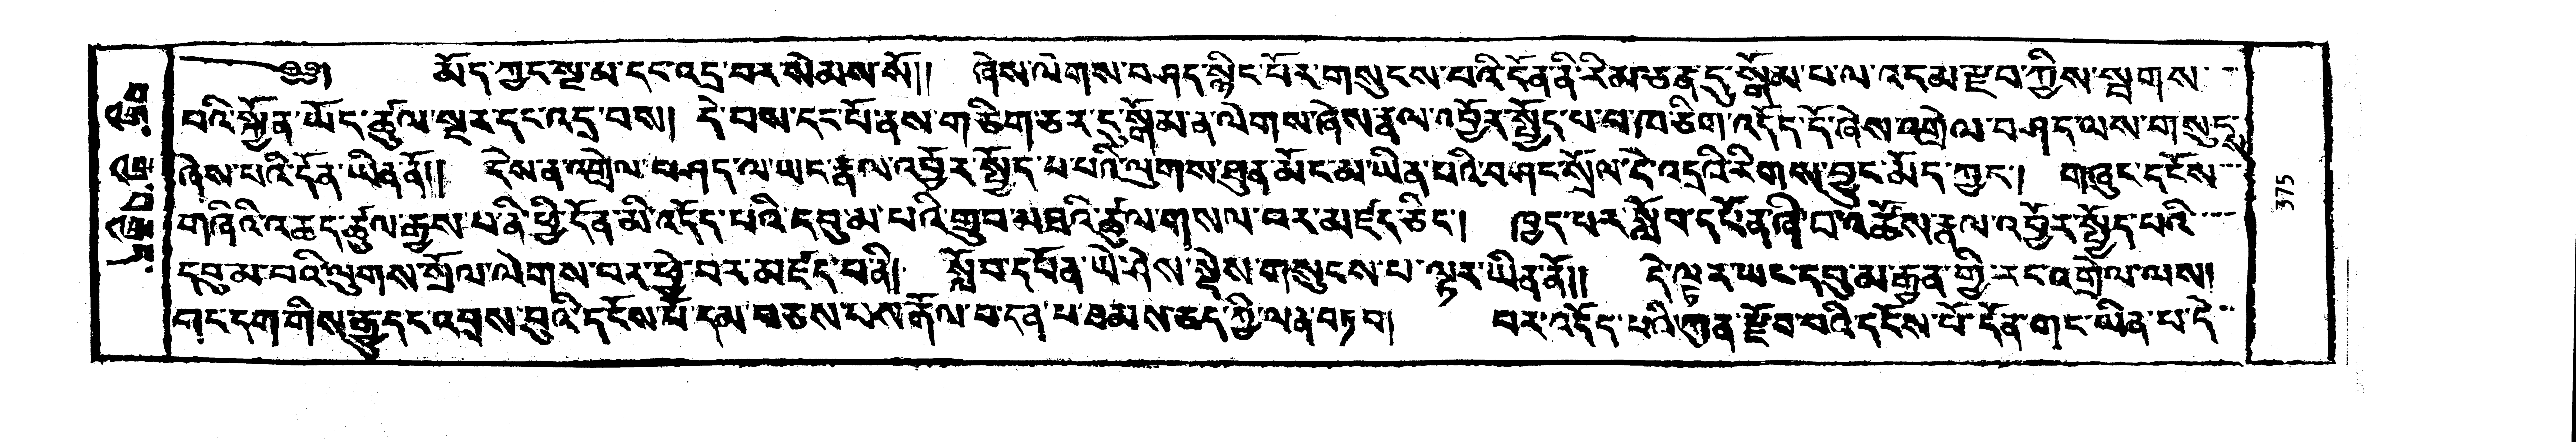༄༅། །མོད་ཀྱང་སྔ་མ་དང་འདྲ་བར་སེམས་སོ། །ཞེས་ལེགས་བཤད་སྙིང་པོར་གསུངས་པའི་དོན་ནི་རིམ་ཅན་དུ་སྒོམ་པ་ལ་འདམ་རྫབ་ཀྱིས་སྦགས་
བའི་སྐྱོན་ཡོད་ཚུལ་སྔར་དང་འདྲ་བས། དེ་བས་དང་པོ་ནས་གཅིག་ཅར་དུ་སྒོམ་ན་ལེགས་ཞེས་རྣལ་འབྱོར་སྤྱོད་པ་པ་ཁ་ཅིག་འདོད་དོ་ཞེས་འགྲེལ་བཤད་ལས་གསུངས་
ཞེས་པའི་དོན་ཡིན་ནོ། །དེས་ན་འགྲེལ་བཤད་ལ་ཡང་རྣལ་འབྱོར་སྤྱོད་པ་པའི་ལུགས་ཐུན་མོང་མ་ཡིན་པའི་བཤད་སྲོལ་དེ་འདྲའི་རིགས་བྱུང་མོད་ཀྱང་། གཞུང་དངོས་
གཞིའི་འཆད་ཚུལ་རྒྱས་པ་ནི་ཕྱི་དོན་མི་འདོད་པའི་དབུ་མ་པའི་གྲུབ་མཐའི་ཚུལ་གསལ་བར་མཛད་ཅིང་། ཁྱད་པར་སློབ་དཔོན་ཞི་བ་འཚོས་རྣལ་འབྱོར་སྤྱོད་པའི་
དབུ་མ་པའི་ལུགས་སྲོལ་ལེགས་པར་ཕྱེ་བར་མཛད་པ་ནི། སློབ་དཔོན་ཡེ་ཤེས་སྡེས་གསུངས་པ་ལྟར་ཡིན་ནོ། །དེ་ལྟར་ཡང་དབུ་མ་རྒྱན་གྱི་རང་འགྲེལ་ལས།
གང་དག་གིས་རྒྱུ་དང་འབྲས་བུའི་དངོས་པོ་དམ་བཅས་པས་རྒོལ་བ་ངན་པ་ཐམས་ཅད་ཀྱི་ལན་བཏབ། བར་འདོད་པའི་ཀུན་རྫོབ་པའི་དངོས་པོ་དོན་གང་ཡིན་པ་དེ་